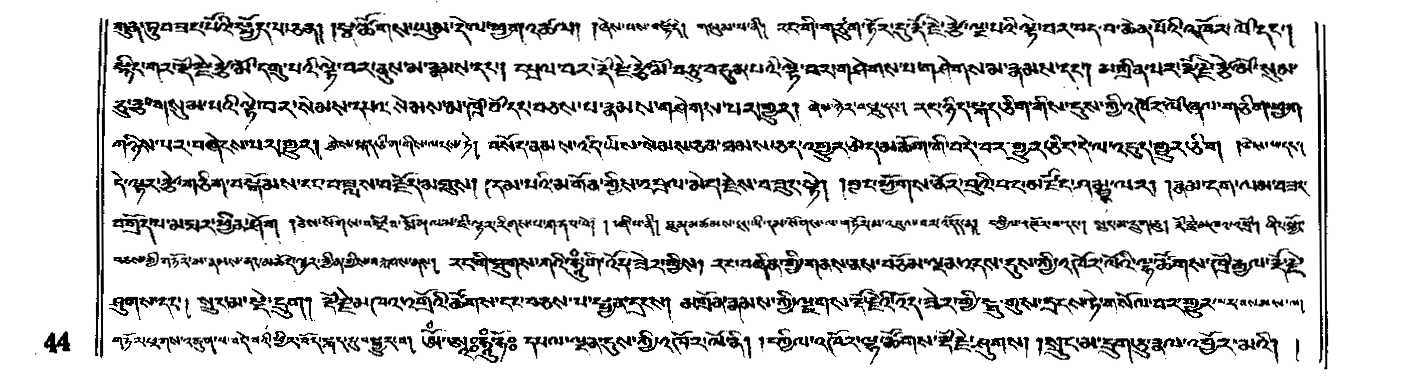ཀུན་ཏུ་བཟང་པོའི་སྤྱོད་པ་ཅན། །སྣ་ཚོགས་ཡུམ་དེ་ལ་ཕྱག་འཚལ། ། ཞེས་པས་བསྟོད། གསུམ་པ་ནི།  རང་གི་གཙུག་ཏོར་དུ་རྡོ་རྗེ་རྩེ་ལྔ་པའི་ལྟེ་བར་བད་བ་ཆེན་པོའི་འཁོར་ལོ་དང་།
སྙིང་གར་རྡོ་རྗེ་རྩེ་མོ་དགུ་པའི་ལྟེ་བར་ནུས་མ་རྣམས་དང་། དཔྲལ་བར་རྡོ་རྗེ་རྩེ་མོ་བཅུ་བདུན་པའི་ལྟེ་བར་གཤེགས་པ་གཤེགས་མ་རྣམས་དང་། མགྲིན་པར་རྡོ་རྗེ་རྩེ་མོ་སུམ་
ཅུ་རྩ་གསུམ་པའི་ལྟེ་བར་སེམས་དཔའ་སེམས་མ་ཁྲོ་བོ་དང་བཅས་པ་རྣམས་གཤེགས་པར་གྱུར། ཞེས་ཉེར་བསྡུ་དང་།  རང་ཉིད་སྐད་ཅིག་གིས་དུས་ཀྱི་འཁོར་ལོ་ཞལ་གཅིག་ཕྱག་
གཉིས་པར་བཞེངས་པར་གྱུར། ཅེས་སྐད་ཅིག་གིས་ལངས་ཏེ།  བསོད་ནམས་འདི་ཡིས་སེམས་ཅན་ཐམས་ཅད་འགྱུར་མེད་མཆོག་གི་བདེ་བར་གྱུར་ཅིང་དེ་ལ་འདུད་གྱུར་ཅིག ། ཅེས་པ་དང་།
དེ་ལྟར་རྩེ་གཅིག་བསྒོམས་དང་བཟླས་བརྗོད་མཐུས། །དམ་པའི་མགོན་གྱིས་འབྲལ་མེད་རྗེས་བཟུང་སྟེ། །བྱང་ཕྱོགས་ནོར་བུའི་བང་མཛོད་ཤམྦྷ་ལར། །རྣམ་དག་ལམ་བཟང་
བགྲོད་པ་མཐར་ཕྱིན་ཤོག །ཅེས་སོགས་བསྔོ་བ་སྨོན་ལམ་ཇི་ལྟར་རིགས་པ་གདབ་པོ། །བཞི་པ་ནི། ཐུན་མཚམས་སུ་ཡི་དམ་སོགས་ལ་གཏོར་མ་འབུལ་བར་འདོད་ན། དཀྱིལ་འཁོར་བ་དང་། སྲུང་མ་དྲུག་ཅུ། རྡོ་རྗེ་མཁའ་འགྲོ། ཞིང་སྐྱོང་
བཅས་ཀྱི་གཏོར་མ་རྣམས་ནང་མཆོད་ལྟར་བྱིན་གྱིས་བརླབས་ནས། རང་གི་ཐུགས་ཀའི་ཧཱུཾ་གི་འོད་ཟེར་གྱིས། རང་བཞིན་གྱི་གནས་ནས་བཅོམ་ལྡན་འདས་དུས་ཀྱི་འཁོར་ལོའི་ལྷ་ཚོགས་ཁྲོ་རྒྱལ་རྡོ་རྗེ་
ཤུགས་དང་། སྲུང་མ་སྡེ་དྲུག། རྡོ་རྗེ་མཁའ་འགྲོའི་ཚོགས་དང་བཅས་པ་སྤྱན་དྲངས། མགྲོན་རྣམས་ཀྱི་ལྗགས་རྡོ་རྗེའི་འོད་ཟེར་གྱི་སྦུ་གུས་དྲངས་ཏེ་གསོལ་བར་གྱུར་པར་བསམས་ལ།
གཏོར་སྔགས་འཇུག་པ་བདེ་བའི་ཕྱིར་བོད་སྐད་དུ་བསྒྱུར་བ། ཨོཾ་ཨཱཿ ཧཱུཾ་ཧོཿ དཔལ་ལྡན་དུས་ཀྱི་འཁོར་ལོ་ནི། །དཀྱིལ་འཁོར་ལྷ་ཚོགས་རྡོ་རྗེ་ཤུགས། །སྲུང་མ་དྲུག་ཅུ་རྣལ་འབྱོར་མའི། །